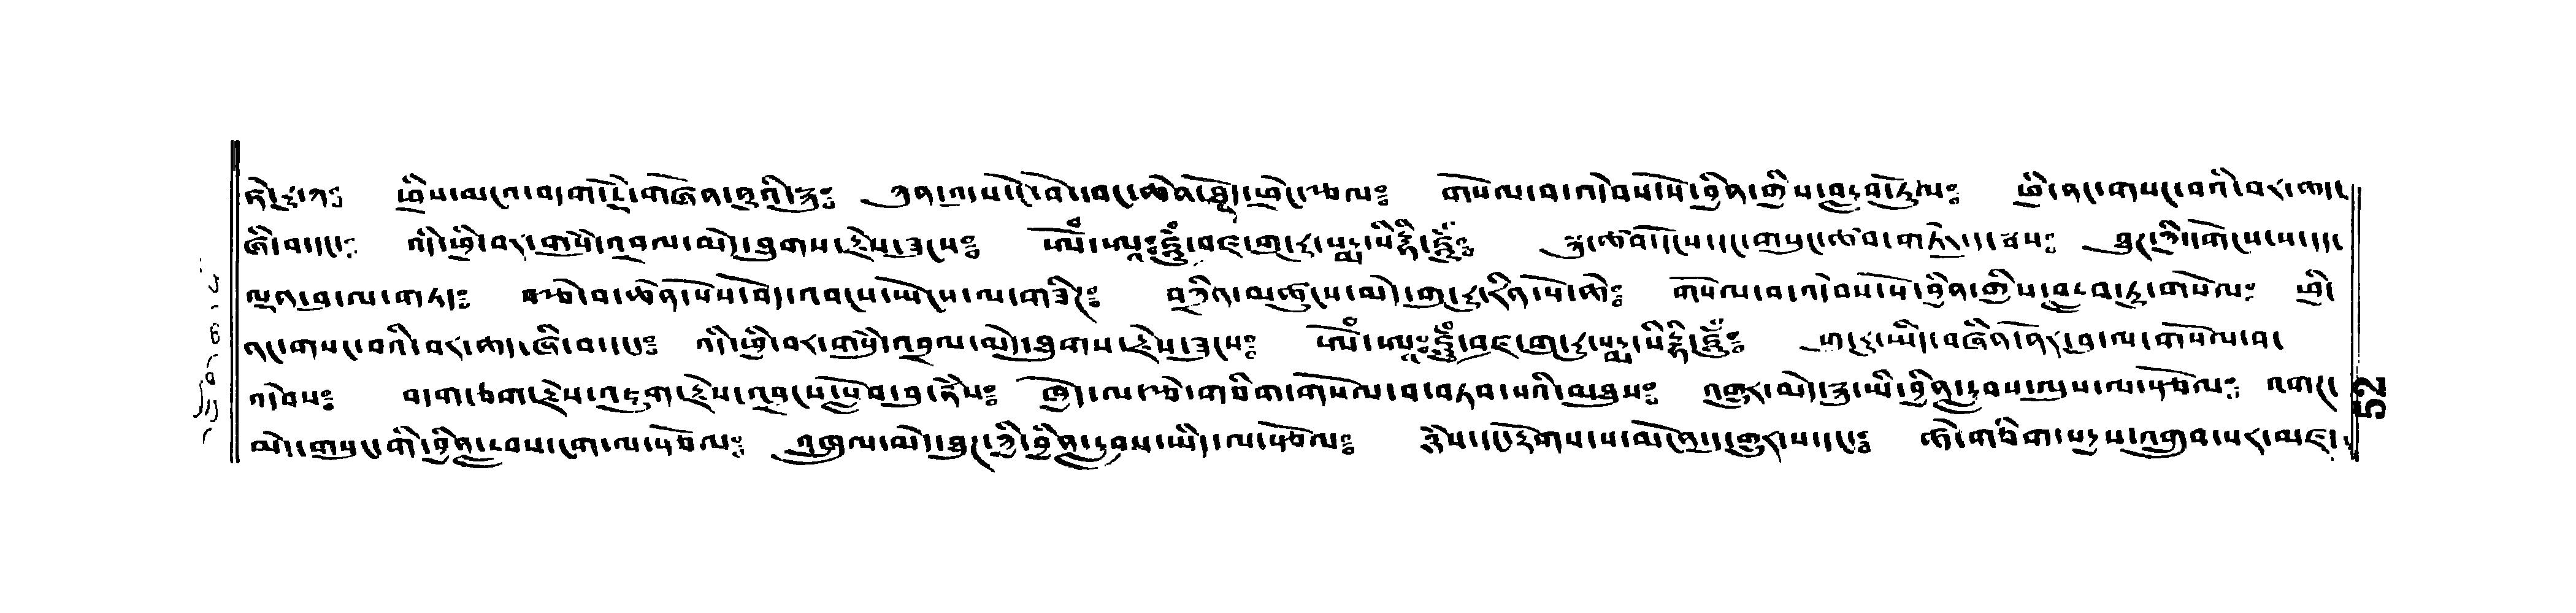ཧེ་རུ་ཀ༔ ཕྲིན་ལས་མངའ་བདག་རྡོ་རྗེ་གཞོན་ནུའི་སྐུ༔ ཀུན་འདུས་ངོ་བོ་དབང་ཆེན་ཐོད་ཕྲེང་རྩལ༔ གསོལ་བ་འདེབས་སོ་བྱིན་གྱིས་བརླབ་ཏུ་གསོལ༔ ཕྱི་ནང་གསང་བའི་བར་ཆད་
ཞི་བ་དང༔ འདི་ཕྱི་བར་གསུམ་འབྲལ་མེད་ཐུགས་རྗེས་ཟུངས༔ ཨོཾ་ཨཱཿཧཱུྃ་བཛྲ་གུ་རུ་པདྨ་སིདྡྷི་ཧཱུྃ༔ སྐུ་ཚབ་དངོས་དང་གསུང་ཚབ་གཏེར་དུ་སྦས༔ ཐུགས་ཀྱི་དགོངས་པ་དད་
ལྡན་བུ་ལ་གཏད༔ བརྩེ་བ་ཆེན་པོས་བོད་འབངས་ཡོངས་ལ་གཟིགས༔ བཀའ་དྲེིན་མཚུངས་མེད་གུ་རུ་རིན་པོ་ཆེ༔ གསོལ་བ་འདེབས་སོ་བྱིན་གྱིས་བརླབ་ཏུ་གསོལ༔ ཕྱི་
ནང་གསང་བའི་བར་ཆད་ཞི་བ་དང༔ འདི་ཕྱི་བར་གསུམ་འབྲལ་མེད་ཐུགས་རྗེས་ཟུངས༔ ཨོཾ་ཨཱཿཧཱུྃ་བཛྲ་གུ་རུ་པདྨ་སིདྡྷི་ཧཱུྃ༔ གུ་རུ་ཡིད་བཞིན་ནོར་བུ་ལ་གསོལ་བ་
འདེབས༔ བདག་ཅག་རྗེས་འཇུག་རྗེས་འབྲངས་སློབ་བུ་རྣམས༔ཁྱོད་ལ་རྩེ་གཅིག་གསོལ་བ་བཏབ་པའི་མཐུས༔ འགྱུར་མེད་སྐུ་ཡི་བྱིན་རླབས་ལུས་ལ་སྩོལ༔ འགག་
མེད་གསུང་གི་བྱིན་རླབས་ངག་ལ་སྩོལ༔ འཁྲུལ་མེད་ཐུགས་ཀྱི་བྱིན་རླབས་ཡིད་ལ་སྩོལ༔ ཉམས་དང་རྟོགས་པ་མངོན་དུ་གྱུར་པ་དང༔ ཚེ་གཅིག་སངས་རྒྱས་འགྲུབ་པར་མཛད་དུ་